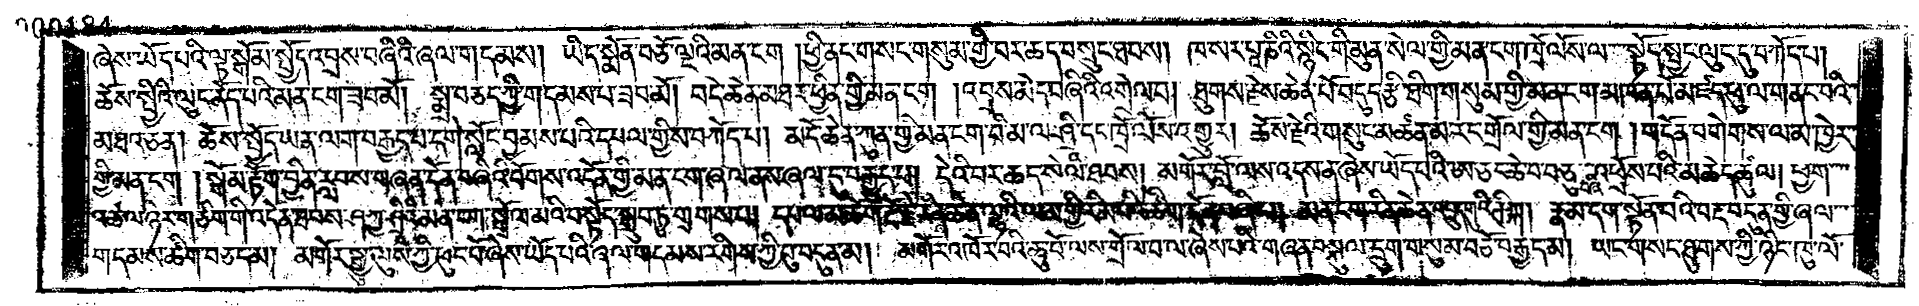ཞེས་ཡོད་པའི་ལྟ་སྒོམ་སྤྱོད་འབྲས་བཞིའི་ཞལ་གདམས། ཡིད་སྨོན་བཅོ་ལྔའི་མན་ངག །ཕྱི་ནང་གསང་གསུམ་གྱི་བར་ཆད་བསྲུང་ཐབས། ཁ་སར་པཱ་ཎིའི་སྙིང་གི་མུན་སེལ་གྱི་མན་ངག་ཁྲོ་ལོས་ལ་སྟོང་སྦྱང་ལུང་དུ་བཀོད་པ།
ཆོས་སྤྱིའི་ལུང་ནོད་པའི་མན་ངག་ཟབ་མོ། སྨྲ་བཅད་ཀྱི་གདམས་པ་ཟབ་མོ། བདེ་ཆེན་མཐར་ཕྱིན་གྱི་མན་ངག །འབྲས་མེད་བཞིའི་འགྲེལ་བ། ཐུགས་རྗེས་ཆེན་པོ་བདུད་རྩི་ཐིག་གསུམ་གྱི་མན་ངག་མཁན་པོ་མཛད་ཕུ་ལ་གནང་བའི་
མཐའ་ཅན། ཆོས་སྤྱོད་ཡན་ལག་བརྒྱད་པ་དགེ་སློང་བྱམས་པའི་དཔལ་གྱིས་བཀོད་པ། མདོ་ཆེན་ཀུན་གྱི་མན་ངག་བི་མ་ལ་ཤྲཱི་དང་ཁྲོ་ལོས་འགྱུར། ཆོས་རྗེའི་གསུང་མཚན་མ་རང་གྲོལ་གྱི་མན་ངག །གདོན་བགེགས་ལམ་ཁྱེར་
གྱི་མན་ངག །སྒོམ་རྟོག་བྱིན་རླབས་གཞན་དོན་བཞིའི་བོགས་འདོན་གྱི་མན་ངག་ཞལ་ནས་ཞལ་དུབ་རྒྱུད་པ། དེའི་བར་ཆད་སེལ་ཐབས། མགོར་བློ་ལས་འདས་ན་ཞེས་ཡོད་པའི་ཨ་ཅང་ཆེ་བ་བཅུ་བཞི་འཕྲོས་པའི་མཆོད་ཚུལ། ཕྱག་
འཚལ་ཉེར་གཅིག་གི་འདོན་ཐབས་ཤཀྱ་ཤྲཱིའི་མན་ངག་སྒྲོལ་མའི་བསྟོད་སྒྲུབ་ཏུ་གྲགས་པ། དཔལ་མཆོག་རྡོ་རྗེ་རིན་ཆེན་ལྷའི་ལམ་གྱི་རིམ་པའི་ཚིག་དོན་བཞི་པ། མན་ངག་རིན་ཆེན་འབྲུ་དགུའི་ཊིཀྐ། རྣམ་དག་སྟོན་པའི་བརྡ་བདུན་གྱི་ཞལ་
གདམས་ཚིག་བཅད་མ། མགོར་སྒྱུ་ལུས་ཀྱི་ཕུང་པོ་ཞེས་ཡོད་པའི་ཞལ་གདམས་རིགས་ཀྱི་བུ་བདུན་མ། མགོར་འཁོར་བའི་ཆུ་བོ་ལས་གྲོལ་བ་ལ་ཞེས་པའི་གཞན་བསྐུལ་དྲུག་གསུམ་བཅོ་བརྒྱད་མ། ཡང་གསང་ཐུགས་ཀྱི་ཉིང་ཁུ་ལོ་